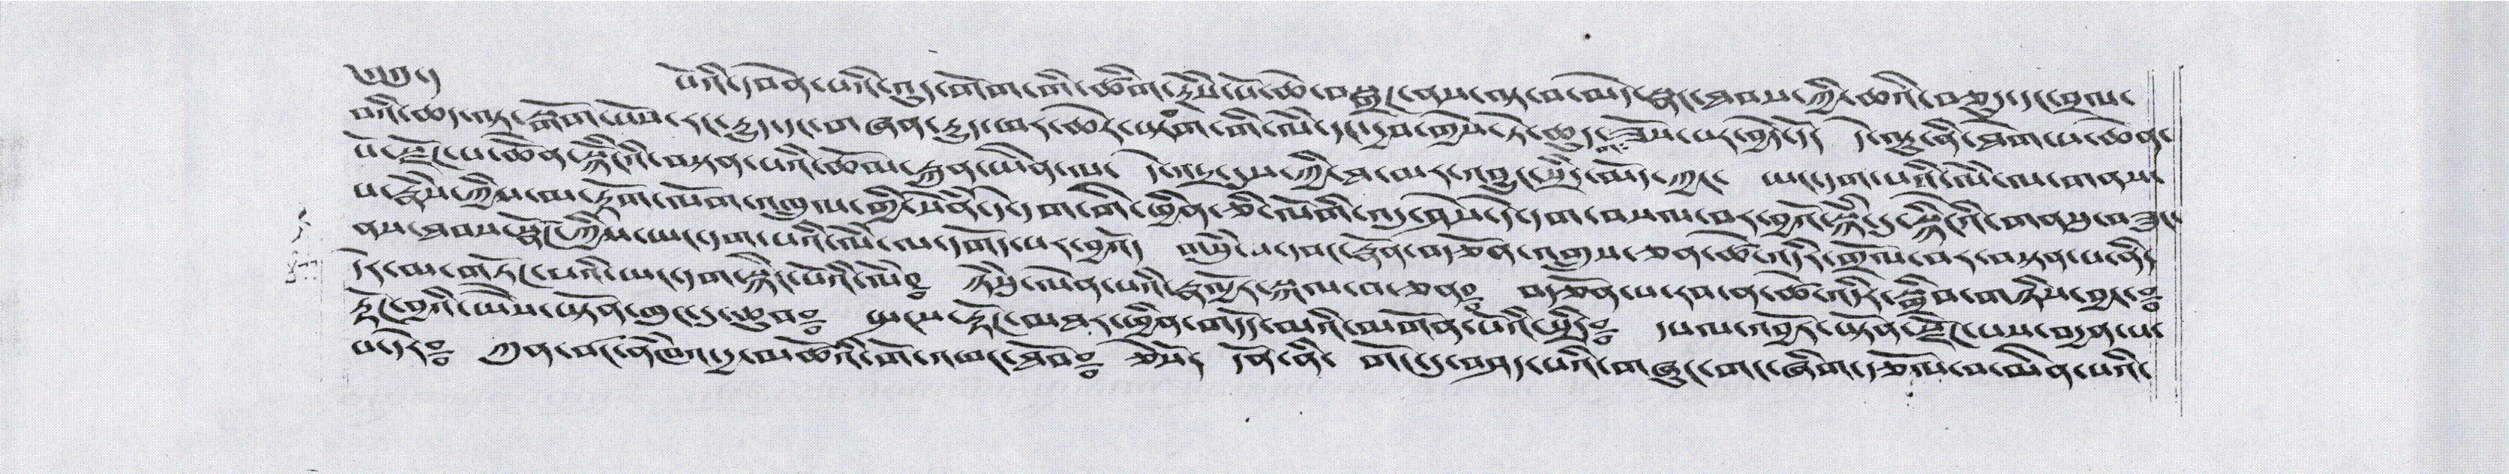པོས་དབེན་པའི་འུད་གོག་གི་ཚིག་རྔམས་པོ་ཆེ་བསྒྲགས་ནས་ལྟ་བ་མེད་སྣང་ཐབས་ཀྱི་ཆ་ཡི་བཅུད་དང་བྲལ་
བའི་ཆད་ལྟ་རྒོག་པོས་རང་རྒྱུད་དང་གཞན་རྒྱུད་ཕལ་ཆེར་ཡང་དག་གི་ལམ་དང་རྒྱབ་གྱེས་ཏེ་ཆུད་གཟོས་པར་བྱེད་དོ། དེ་ལྟ་བུ་ནི་ཐེག་པ་ཆེན་
པོ་རྫོགས་པ་ཆེན་པོ་སྙིང་པོའི་བསྟན་པའི་ཆོམ་རྐུན་ཡིན་ལ། དེ་འདྲ་དུས་ཀྱི་ཐ་མར་འབྱུང་སྲིད་མོད་ཀྱང་། ཡང་དག་པའི་ལམ་ལ་གནས་
པ་རྣམས་ཀྱིས་མ་རྟོགས་ལོག་འཁྲུལ་གྱི་སེམས་ཅན་དེ་དག་གི་ཕྱིན་ཅི་ལོག་གི་འདུ་ཤེས་དེ་དག་བསལ་བར་བྱའོ་སྙམ་དུ་སྙིང་རྗེའི་གནས་སུ་བཟུང་
ནས་ཐབས་སྣ་ཚོགས་ཀྱིས་ཡང་དག་པའི་ལམ་ལ་དགོད་པར་བྱའོ། གསུམ་པ་དབང་རྣོན་བརྩོན་འགྲུས་ཅན་ཚེ་འདིར་གྲོལ་བར་བསྟན་པ་ནི། 
དེར་མ་གཏོགས་པའི་ཡང་དག་སྙིང་པོའི་ལམཿ ཉམས་སུ་ལེན་པའི་རྣལ་འབྱོར་སྐལ་པ་ཅན། བརྩོན་པ་རབ་ན་ཚེ་འདིར་སྒྲིབ་གཉིས་བྱངཿ 
རྟོགས་བྱའི་ཡེ་ཤེས་ཡོན་ཏན་ཁོང་དུ་ཆུབཿ སྤངས་རྟོགས་མཐར་ཕྱིན་གདོད་མའི་མགོན་པོའི་སྲིདཿ དཔལ་འབྱོར་ཡོན་ཏན་རྫོགས་པས་བརྒྱན་པ་
དེརཿ ཀུན་བཟང་ནམ་མཁའ་རྒྱ་མཚོའི་གོ་འཕང་ཐོབཿ ཅེས་སོ། དོན་ནི། གོང་དུ་བཤད་པའི་གཞུང་གང་ཞིག་རྩོལ་བ་མིན་པའི་